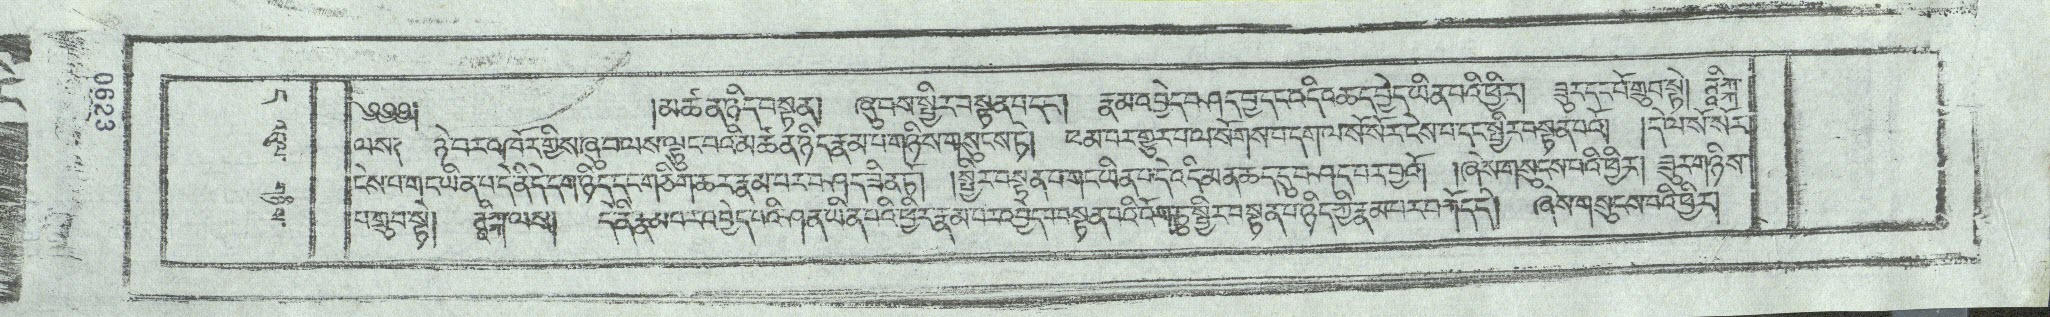༄༅༅། །མཚན་ཉིད་བསྟན། ཞུ་བས་སྤྱིར་བསྟན་པ་དང་། རྣམ་འབྱེད་བཤད་བྱ་དང་འདི་འཆད་བྱེད་ཡིན་པའི་ཕྱིར། ཟུར་དང་པོ་གྲུབ་སྟེ། ཊཱིཀྐ་
ལས༑ ཉེ་བར་འཁོར་གྱིས་ཞུ་བ་ལས་ལྟུང་བའི་མཚན་ཉིད་རྣམ་པ་གཉིས་གསུངས་ཏེ། ཕམ་པར་གྱུར་པ་ལ་སོགས་པ་དག་ལ་སོ་སོར་ངེས་པ་དང་སྤྱིར་བསྟན་པའོ། །དེ་ལ་སོ་སོར་
ངེས་པ་གང་ཡིན་པ་དེ་ནི་དེ་དག་ཉིད་དང་གཅིག་ཆར་རྣམ་པར་བཤད་ཟིན་ཏོ། །སྤྱིར་བསྟན་པ་གང་ཡིན་པ་དེ་འདི་མན་ཆད་དུ་བཤད་པར་བྱའོ། །ཞེས་གསུངས་པའི་ཕྱིར། ཟུར་གཉིས་
པ་གྲུབ་སྟེ། ཊཱིཀྐ་ལས། དེ་ནི་རྣམ་པར་འབྱེད་པའི་ཤན་ཡིན་པའི་ཕྱིར་རྣམ་པར་འབྱེད་པ་བསྟན་པའི་འོག་ཏུ་སྤྱིར་བསྟན་པ་ཉིད་ཀྱི་རྣམ་པར་བཀོད་དེ། ཞེས་གསུངས་པའི་ཕྱིར།